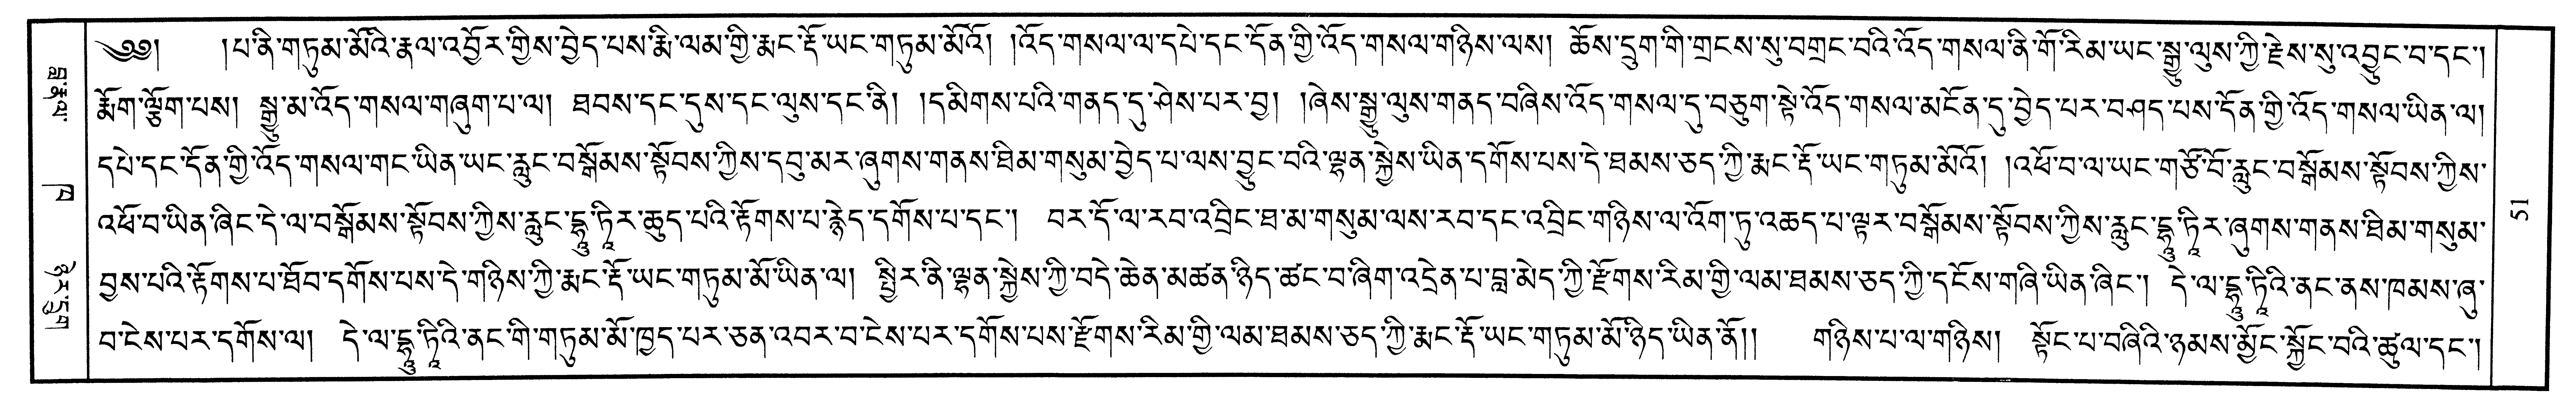༄༅། །པ་ནི་གཏུམ་མོའི་རྣལ་འབྱོར་གྱིས་བྱེད་པས་རྨི་ལམ་གྱི་རྨང་རྡོ་ཡང་གཏུམ་མོའོ། །འོད་གསལ་ལ་དཔེ་དང་དོན་གྱི་འོད་གསལ་གཉིས་ལས། ཆོས་དྲུག་གི་གྲངས་སུ་བགྲང་བའི་འོད་གསལ་ནི་གོ་རིམ་ཡང་སྒྱུ་ལུས་ཀྱི་རྗེས་སུ་འབྱུང་བ་དང་།
རྨོག་ལྕོག་པས། སྒྱུ་མ་འོད་གསལ་གཞུག་པ་ལ། ཐབས་དང་དུས་དང་ལུས་དང་ནི། །དམིགས་པའི་གནད་དུ་ཤེས་པར་བྱ། །ཞེས་སྒྱུ་ལུས་གནད་བཞིས་འོད་གསལ་དུ་བཅུག་སྟེ་འོད་གསལ་མངོན་དུ་བྱེད་པར་བཤད་པས་དོན་གྱི་འོད་གསལ་ཡིན་ལ།
དཔེ་དང་དོན་གྱི་འོད་གསལ་གང་ཡིན་ཡང་རླུང་བསྒོམས་སྟོབས་ཀྱིས་དབུ་མར་ཞུགས་གནས་ཐིམ་གསུམ་བྱེད་པ་ལས་བྱུང་བའི་ལྷན་སྐྱེས་ཡིན་དགོས་པས་དེ་ཐམས་ཅད་ཀྱི་རྨང་རྡོ་ཡང་གཏུམ་མོའོ། །འཕོ་བ་ལ་ཡང་གཙོ་བོ་རླུང་བསྒོམས་སྟོབས་ཀྱིས་
འཕོ་བ་ཡིན་ཞིང་དེ་ལ་བསྒོམས་སྟོབས་ཀྱིས་རླུང་དྷཱུ་ཏཱིར་ཆུད་པའི་རྟོགས་པ་རྙེད་དགོས་པ་དང་། བར་དོ་ལ་རབ་འབྲིང་ཐ་མ་གསུམ་ལས་རབ་དང་འབྲིང་གཉིས་ལ་འོག་ཏུ་འཆད་པ་ལྟར་བསྒོམས་སྟོབས་ཀྱིས་རླུང་དྷཱུ་ཏཱིར་ཞུགས་གནས་ཐིམ་གསུམ་
བྱས་པའི་རྟོགས་པ་ཐོབ་དགོས་པས་དེ་གཉིས་ཀྱི་རྨང་རྡོ་ཡང་གཏུམ་མོ་ཡིན་ལ། སྤྱིར་ནི་ལྷན་སྐྱེས་ཀྱི་བདེ་ཆེན་མཚན་ཉིད་ཚང་བ་ཞིག་འདྲེན་པ་བླ་མེད་ཀྱི་རྫོགས་རིམ་གྱི་ལམ་ཐམས་ཅད་ཀྱི་དངོས་གཞི་ཡིན་ཞིང་། དེ་ལ་དྷཱུ་ཏཱིའི་ནང་ནས་ཁམས་ཞུ་
བ་ངེས་པར་དགོས་ལ། དེ་ལ་དྷཱུ་ཏཱིའི་ནང་གི་གཏུམ་མོ་ཁྱད་པར་ཅན་འབར་བ་ངེས་པར་དགོས་པས་རྫོགས་རིམ་གྱི་ལམ་ཐམས་ཅད་ཀྱི་རྨང་རྡོ་ཡང་གཏུམ་མོ་ཉིད་ཡིན་ནོ། གཉིས་པ་ལ་གཉིས། སྟོང་པ་བཞིའི་ཉམས་མྱོང་སྐྱོང་བའི་ཚུལ་དང་།